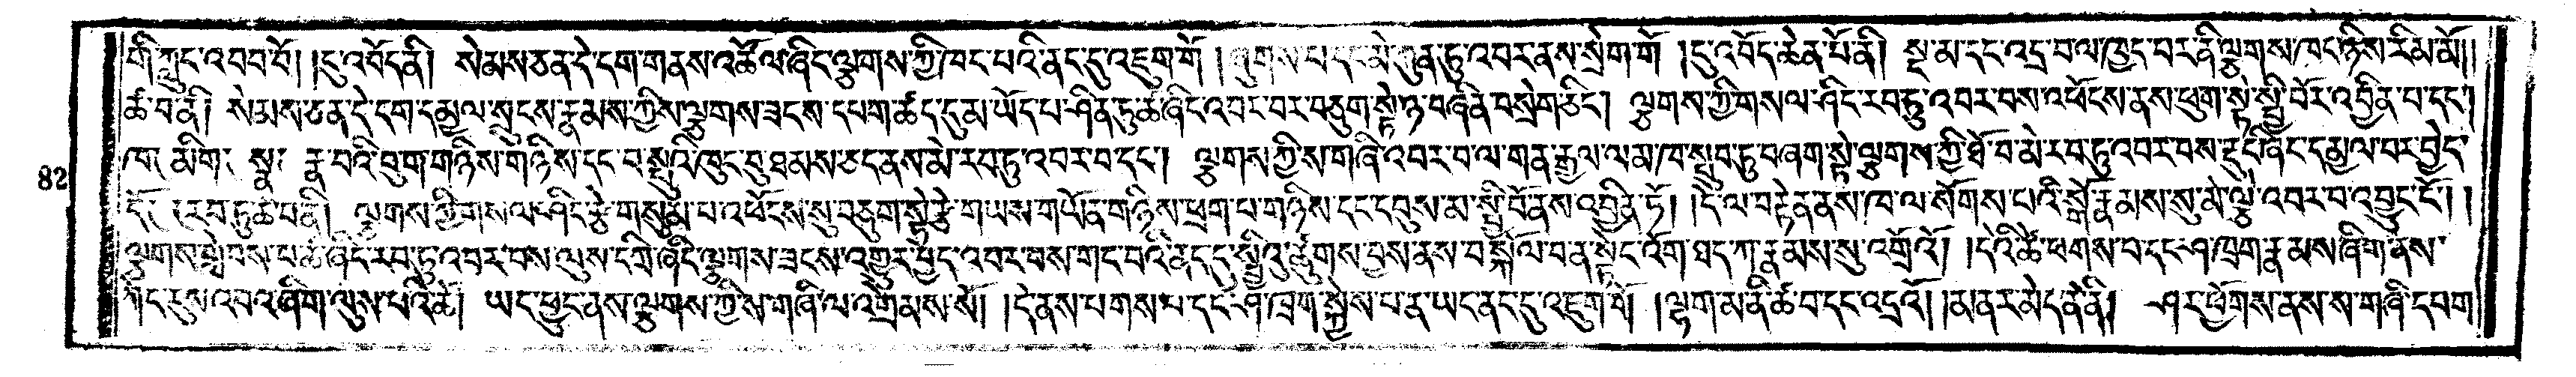གི་ཀླུང་འབབ་བོ། །དུ་འབོད་ནི། སེམས་ཅན་དེ་དག་གནས་འཚོལ་ཞིང་ལྕགས་ཀྱི་ཁང་པའི་ནང་དུ་འཇུག་གོ །ཞུགས་པ་དང་མེ་ཀུན་ཏུ་འབར་ནས་སྲེག་གོ། །དུ་འབོད་ཆེན་པོ་ནི། སྔ་མ་དང་འདྲ་བ་ལ་ཁྱད་བར་ནི་ལྕགས་ཁང་ཉིས་རིམ་མོ།།
ཚ་བ་ནི། སེམས་ཅན་དེ་དག་དམྱལ་སྲུངས་རྣམས་ཀྱིས་ལྕགས་ཟངས་དཔག་ཚད་དུ་མ་ཡོད་པ་ཤིན་ཏུ་ཚ་ཞིང་འབར་བར་བཅུག་སྟེ་ཉ་བཞིན་བསྲེག་ཅིང་། ལྕགས་ཀྱི་གསལ་ཤིང་རབ་ཏུ་འབར་བས་འཕོངས་ནས་ཕུག་སྟེ་སྤྱི་བོར་འབྱིན་པ་དང་།
ཁ༑ མིག༑ སྣ༑ རྣ་བའི་བུ་ག་གཉིས་གཉིས་དང་བ་སྤུའི་ཁུང་བུ་ཐམས་ཅད་ནས་མེ་རབ་ཏུ་འབར་བ་དང་། ལྕགས་ཀྱི་ས་གཞི་འབར་བ་ལ་གན་རྒྱལ་ལམ་ཁ་སྤུབ་ཏུ་བཞག་སྟེ་ལྕགས་ཀྱི་ཐོ་བ་མེ་རབ་ཏུ་འབར་བས་རྡུང་ཞིང་དམྱལ་བར་བྱེད་
དོ༑ ༑རབ་ཏུ་ཚ་པ་ནི། ལྕགས་ཀྱི་གསལ་ཤིང་རྩེ་གསུམ་པ་འཕོངས་སུ་བཅུག་སྟེ་རྩེ་གཡས་གཡོན་གཉིས་ཕྲག་པ་གཉིས་དང་དབུས་མ་སྤྱི་བོ་ནས་འབྱིན་ཏོ། །དེ་ལ་བརྟེན་ནས་ཁ་ལ་སོགས་པའི་སྒོ་རྣམས་སུ་མེ་ལྕེ་འབར་བ་འབྱུང་ངོ །།
ལྕགས་གླེབས་པ་ཚ་ཞིང་རབ་ཏུ་འབར་བས་ལུས་དཀྲི་ཞིང་ལྕགས་ཟངས་འགྱུར་བྱེད་འབར་བས་གང་བའི་ནང་དུ་སྤྱིའུ་ཚུགས་བྱས་ནས་བསྐོལ་བ་ན་སྟེང་འོག་ཐད་ཀ་རྣམས་སུ་འགྲོའོ། །དེའི་ཚེ་ཕགས་བ་དང་ཤ་ཁྲག་རྣམས་ཞིག་ནས་
ཀེང་རུས་འབའ་ཞིག་ལུས་པའི་ཆོ། ཡང་ཕྱུང་ནས་ལྕགས་ཀྱིས་གཞི་ལ་འགྲེམས་སོ། །དེ་ནས་པགས་པ་དང་ཤ་ཁྲག་སྐྱེས་པ་ན་ཡང་ནང་དུ་འཇུག་གོ །ལྷག་མ་ནི་ཚ་བ་དང་འདྲའོ། །མནར་མེད་ན་ནི། ཤར་ཕྱོགས་ནས་ས་གཞི་དཔག་